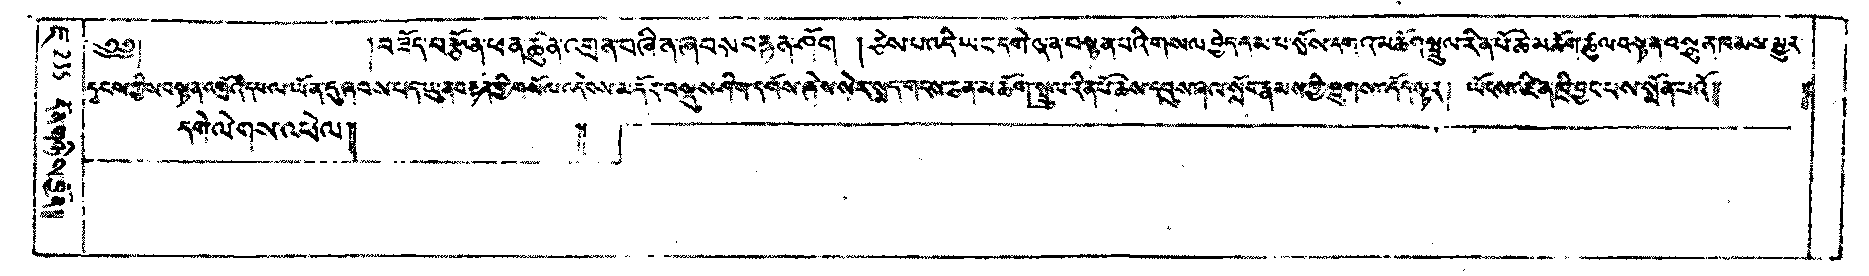༄༅། །བཟོད་བརྩོན་ཕན་ཚུན་འགྲན་བཞིན་ཞབས་བརྟན་ཤོག །ཅེས་པ་འདི་ཡང་དགེ་ལྡན་བསྟན་པའི་གསལ་བྱེད་དམ་པ་སྤོས་དགའ་མཆོག་སྤྲུལ་རིན་པོ་ཆེ་མཆོག་ཚུལ་བསྟན་བསྙུན་ཁམས་མྱུར་
དྭངས་ཀྱིས་བསྟན་འགྲོའི་དཔལ་ཡོན་དུ་ཞབས་པད་ཡུན་བརྟན་གྱི་གསོལ་འདེབས་མདོར་བསྡུས་ཤིག་དགོས་ཞེས་སེར་སྨད་གངས་ཅན་མཆོག་སྤྲུལ་རིན་པོ་ཆེས་དབུས་ཞལ་སློབ་རྣམས་ཀྱི་ཐུགས་འདོད་ལྟར། ཡོངས་འཛིན་ཁྲི་བྱང་པས་སྨོན་པའོ།། །།
དགེ་ལེགས་འཕེལ།། །།